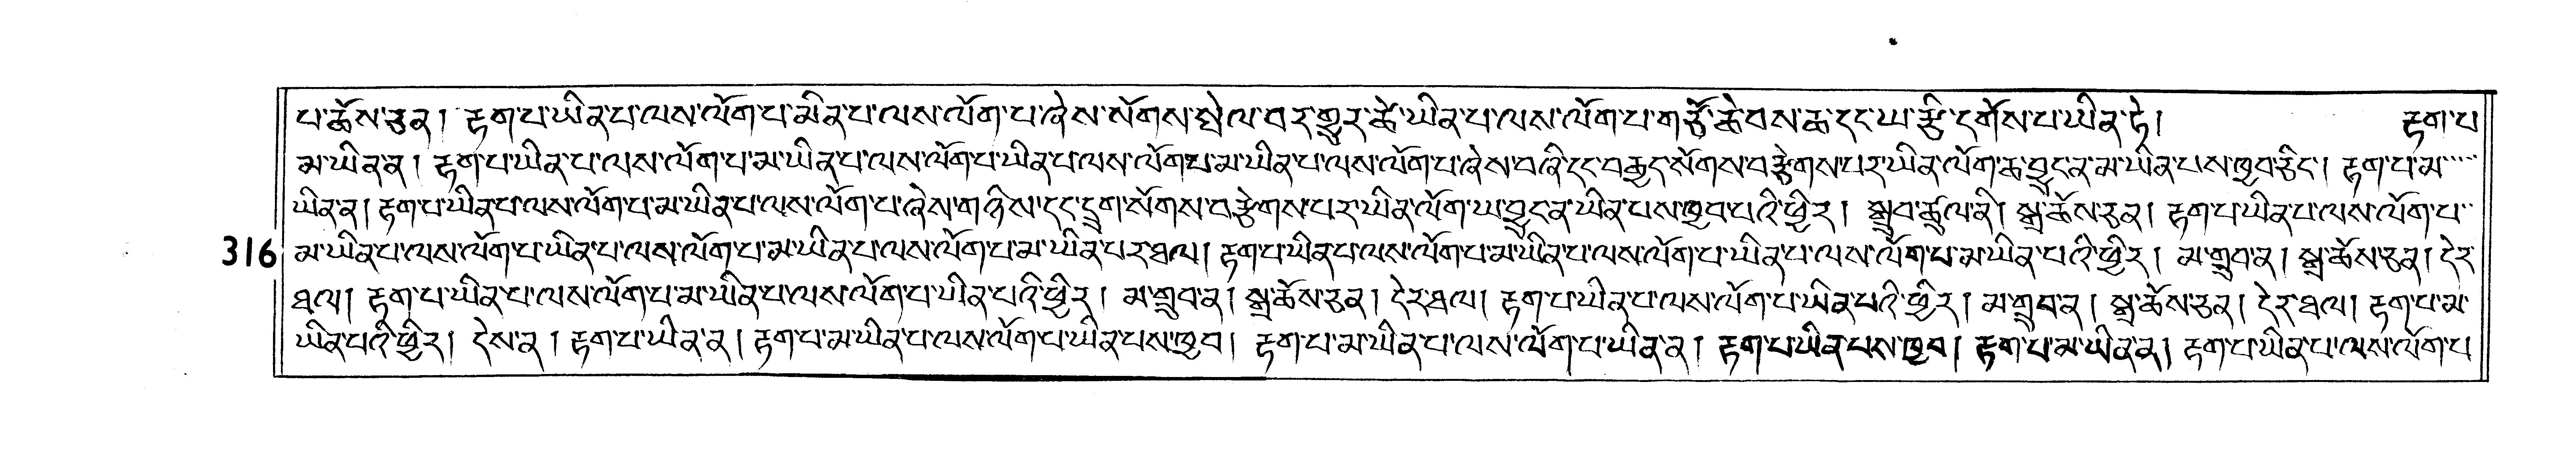པ་ཆོས་ཅན། རྟག་པ་ཡིན་པ་ལས་ལོག་པ་མིན་པ་ལས་ལོག་པ་ཞེས་སོགས་སྤེལ་བར་གྱུར་ཚེ་ཡིན་པ་ལས་ལོག་པ་གཙོ་ཆེ་བས་ཆ་དང་ཡ་རྩི་དགོས་པ་ཡིན་ཏེ། རྟག་པ་
མ་ཡིན་ན། རྟག་པ་ཡིན་པ་ལས་ལོག་པ་མ་ཡིན་པ་ལས་ལོག་པ་ཡིན་པ་མ་ཡིན་པ་ལས་ལོག་པ་ཞེས་བཞི་དང་བརྒྱད་སོགས་བརྩེགས་པར་ཡིན་ལོག་ཆ་བྱུང་ན་མ་ཡིན་པས་ཁྱབ་ཅིང་། རྟག་པ་མ་
ཡིན་ན། རྟག་པ་ཡིན་པ་ལས་ལོག་པ་མ་ཡིན་པ་ལས་ལོག་པ་ཞེས་གཉིས་དང་དྲུག་སོགས་བརྩེགས་པར་ཡིན་ལོག་ཡ་བྱུང་ན་ཡིན་པས་ཁྱབ་པའི་ཕྱིར། སྒྲུབ་ཚུལ་ནི། སྒྲ་ཆོས་ཅན། རྟག་པ་ཡིན་པ་ལས་ལོག་པ་
མ་ཡིན་པ་ལས་ལོག་པ་ཡིན་པ་ལས་ལོག་པ་མ་ཡིན་པ་ལས་ལོག་པ་མ་ཡིན་པར་ཐལ། རྟག་པ་ཡིན་པ་ལས་ལོག་པ་མ་ཡིན་པ་ལས་ལོག་པ་ཡིན་པ་ལས་ལོག་པ་མ་ཡིན་པའི་ཕྱིར། མ་གྲུབ་ན། སྒྲ་ཆོས་ཅན། དེར་
ཐལ། རྟག་པ་ཡིན་པ་ལས་ལོག་པ་མ་ཡིན་པ་ལས་ལོག་པ་ཡིན་པའི་ཕྱིར། མ་གྲུབ་ན། སྒྲ་ཆོས་ཅན། དེར་ཐལ། རྟག་པ་ཡིན་པ་ལས་ལོག་པ་ཡིན་པའི་ཕྱིར། མ་གྲུབ་ན། སྒྲ་ཆོས་ཅན། དེར་ཐལ། རྟག་པ་མ་
ཡིན་པའི་ཕྱིར། དེས་ན། རྟག་པ་ཡིན་ན། རྟག་པ་མ་ཡིན་པ་ལས་ལོག་པ་ཡིན་པས་ཁྱབ། རྟག་པ་མ་ཡིན་པ་ལས་ལོག་པ་ཡིན་ན། རྟག་པ་ཡིན་པས་ཁྱབ། རྟག་པ་མ་ཡིན་ན། རྟག་པ་ཡིན་པ་ལས་ལོག་པ་